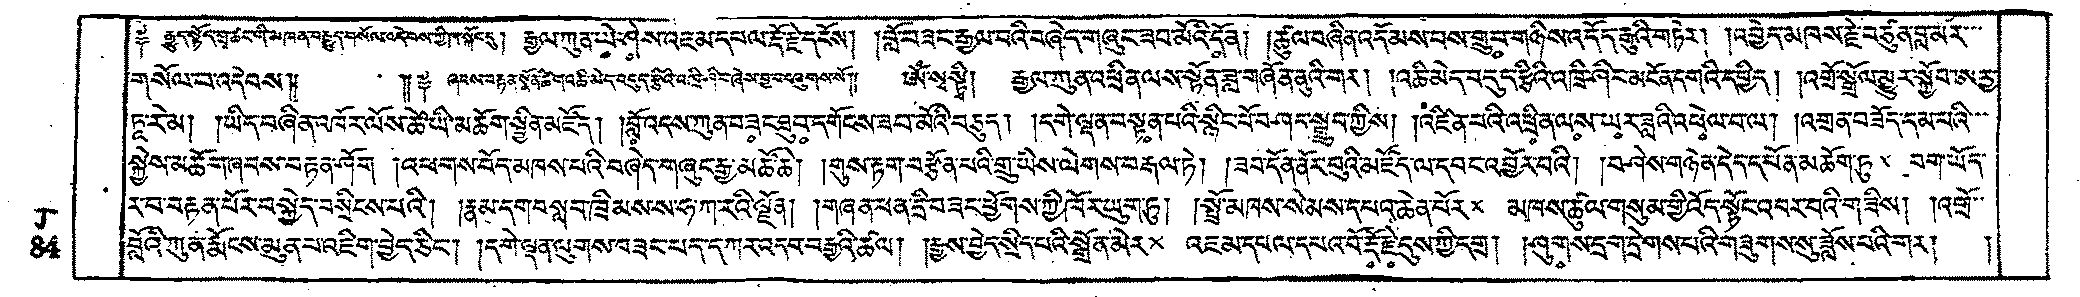འ་རྒྱུད་སྟོད་གྲྭ་ཚང་གི་མཁན་བརྒྱུད་གསོལ་འདེབས་ཀྱི་ཁ་སྐོང་དུ། རྒྱལ་ཀུན་ཡེ྾་ཤེས྾་འཇམ་དཔལ་རྡོ་རྗེ་དངོས། །བློ་བཟང་རྒྱལ་བའི་བཞེད་གཞུང་ཟབ་མོའི྾་དོན྾། །ཚུལ་བཞིན་འདོམས་པས་གྲུབ྾་གཉིས་འདོད་རྒྱུའི་གཏེར། །འབྱེད་མཁས་རྗེ་བཙུན་བླ་མར་་་
གསོལ་བ་འདེབས།། །། འ་ཞབས་བརྟན་སྨོན་ཚིག་འཚ་མེད་བདུད་རྩིའི་འཁྲི་ཤིན་ཞེས་བྱ་བ་བཞུགས་སོ།།  ཨོཾ་སྭསྟྭི། རྒྱལ་ཀུན་འཕྲིན྾་ལས྾་སྟོན་ཟླ་གཞོན་ནུའི་གར། །འཆི་མེད་བདུད་རྩིའི་འཁྲི་ཤིང་མངོན་དགའི་དཔྱིད། །འགྲོ་སྒྲོལ་མྱུར་སྐྱབས་ཨརྱ་
ཏཱ་ར་མ། །ཡིད་བཞིན་འཁོར་ལོས་ཚེ་ཡི་མཆོག་སྦྱིན་མཛོད། །བློ྾་འདས་ཀུན་བཟང྾་ཐུབ྾་དགོངས་ཟབ་མོའི་བཅུད། །དགེ་ལྡན་བསྟན་པའི་སྙིང་པོ་བཤད་གྲུབ་ཀྱིས། འཛིན་པའི་འཕྲིན྾་ལས྾་ཡར་ཟླའི་འཕེལ་བ་ལ། །འགྲན་བཟོད་དམ་པའི་་་
སྐྱེས་མཆོག་ཞབས་བརྟན་ཤོག །འཕགས་བོད་མཁས་པའི་བཞེད་གཞུང་རྒྱ་མཚོ་ཆེ། །གུས་རྟག་བརྩོན་པའི་གྲུ་ཡིས་ལེགས་བརྒལ་ཏེ། །ཟབ་དོན་ནོར་བུའི་མཛོད་ལ་དབང་འབྱོར་བའི། །བཤེས་གཉེན་དེད་དཔོན་མཆོག་ཏུ་྾་བདག་ཡོད་
ར་བ་བརྟན་པོར་བསྐྱེད་བསྲིངས་པའི། །རྣམ་དག་བསླབ་ཁྲིམས་ཧ་ཀ་རའི་ལྗོན། །གཞན་ཕན་དྲི་བཟང་ཕྱོགས་ཀྱི་འཁོར་ཡུག་ཏུ། །སྤྲོ་མཁས་སེམས་དཔའ་ཆེན་པོར་྾་མཁས་ཚུལ་གསུམ་གྱི་འོད་སྟོང་འབར་བའི་གཟིས། །འགྲོ་་་
བློའི་ཀུན་རྨོངས་མུན་པ་འཇིགས་བྱེད་ཅིང་། །དགེ་ལྡན་ལུགས་བཟང་པད་དཀར་འདབ་བརྒྱའི་ཚལ། །རྒྱས་བྱེད་སྲིད་པའི་སྒྲོན་མེར་྾་འཇམ་དཔལ་དཔའ་བོ་རྡོ་རྗེ་དུས་ཀྱི་དགྲ། །ཤུགས་དྲག་དྲེགས་པའི་གཟུགས་སུ་ཟློས་པའི་གར། །